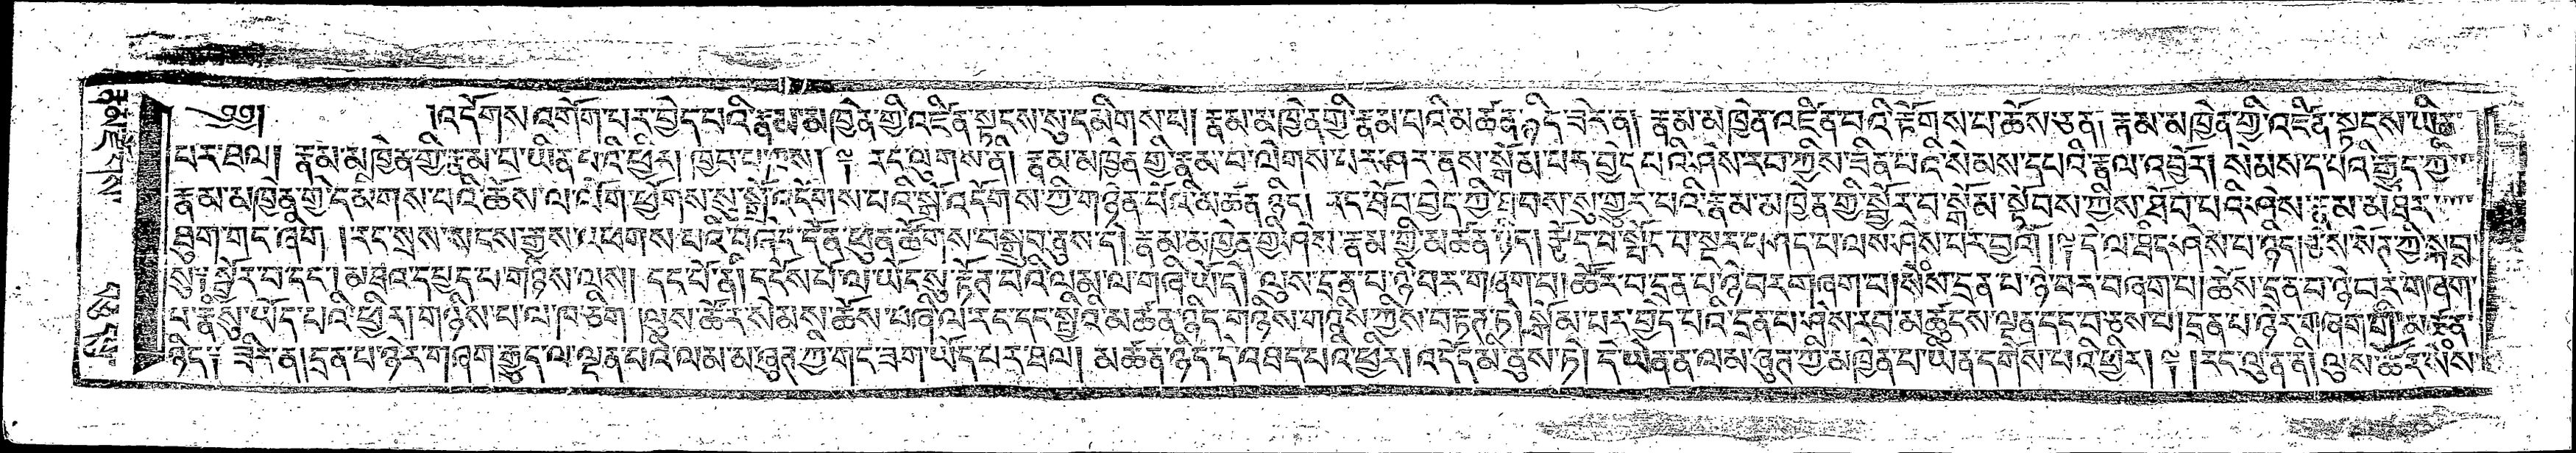༄༅། །འདོགས་འགོག་པར་བྱེད་པའི་རྣམ་མཁྱེན་གྱི་འཛིན་སྟངས་སུ་དམིགས་པ། རྣམ་མཁྱེན་གྱི་རྣམ་པའི་མཚན་ཉིད་ཟེར་ན། རྣམ་མཁྱེན་འཛིན་བའི་རྟོགས་པ་ཆོས་ཅན། རྣམ་མཁྱེན་གྱི་འཛིན་སྟངས་ཡིན་
པར་ཐལ། རྣམ་མཁྱེན་གྱི་རྣམ་པ་ཡིན་པའི་ཕྱིར། ཁྱབ་པ་ཁས། ༈ རང་ལུགས་ནི། རྣམ་མཁྱེན་གྱི་རྣམ་པ་ལེགས་པར་ཤར་ནས་སྒོམ་པར་བྱེད་པའི་ཤེས་རབ་ཀྱིས་ཟིན་པའི་སེམས་དཔའི་རྣལ་འབྱོར། སེམས་དཔའི་རྒྱུད་ཀྱི་
རྣམ་མཁྱེན་གྱི་དམིགས་པའི་ཆོས་ལ་ལོག་ཕྱོགས་སུ་སྒྲོ་འདོགས་པའི་སྒྲོ་འདོགས་ཀྱི་གཉེན་པོའི་མཚན་ཉིད། རང་ཐོབ་བྱེད་ཀྱི་ཐབས་སུ་གྱུར་པའི་རྣམ་མཁྱེན་གྱི་སྦྱོར་བ་སྒོམ་སྟོབས་ཀྱིས་ཐོབ་པའི་ཤེས་རྣམ་མཐར་
ཐུག་གང་ཞིག །རང་སྲས་སངས་རྒྱས་འཕགས་པའི་བཞེད་དོན་ཕུན་ཚོགས་བསྒྲུབ་ནུས་དེ། རྣམ་མཁྱེན་གྱི་ཤེས་རྣམ་གྱི་མཚན་ཉིད། རྩོད་པ་སྤོང་བ་སྔར་བཤད་པ་ལས་ཤེས་པར་བྱའོ། ༈ དེ་ལ་ཐམས་ཅད་ཤེས་པ་ཉིད། ཅེས་སོགས་ཀྱི་སྐབས་
སུ༑ སྦྱོར་བ་དང་། མཐའ་དཔྱད་པ་གཉིས་ལས། དང་པོ་ནི། དངོས་པོ་ལ་ཡོངས་སུ་རྟོགས་པའི་ལམ་ལ་བཞི་ཡོ་དེ། ལུས་དྲན་པ་ཉེ་པར་གཞག་པ། ཚོར་བ་དྲན་པ་ཉེ་བར་གཞག་པ། སེམས་དྲན་པ་ཉེ་པར་གཞག་པ། ཆོས་དྲན་པ་ཉེ་བར་གཞག་
པ་རྣམས་སུ་ཡོད་པའི་ཕྱིར། གཉིས་པ་ལ་ཁ་ཅིག །ལུས་ཚོར་སེམས་ཆོས་བཞི་ལ་རང་དང་སྤྱིའི་མཚན་ཉིད་གཉིས་གཉིས་ཀྱིས་བརྟགས་ཏེ། སྒོམ་པར་བྱེད་པའི་དྲན་པ་ཤེས་རབ་མཚུངས་ལྡན་དང་བཅས་པ། དྲན་པ་ཉེར་གཞག་གི་མཚན་
ཉིད༑ ཟེར་ན། དྲན་པ་ཉེར་གཞག་རྒྱུད་ལ་ལྡན་པའི་ལམ་མ་ཞུགས་ཀྱི་གང་ཟག་ཡོད་པར་ཐལ། མཚན་ཉིད་དེ་འཐད་པའི་ཕྱིར། འདོད་མི་ནུས་ཏེ། དེ་ཡིན་ན་ལམ་ཞུགས་ཀྱི་མཁྱེན་པ་ཡིན་དགོས་པའི་ཕྱིར། ༈ །རང་ལུགས་ནི། ལུས་ཚོར་སེམས་